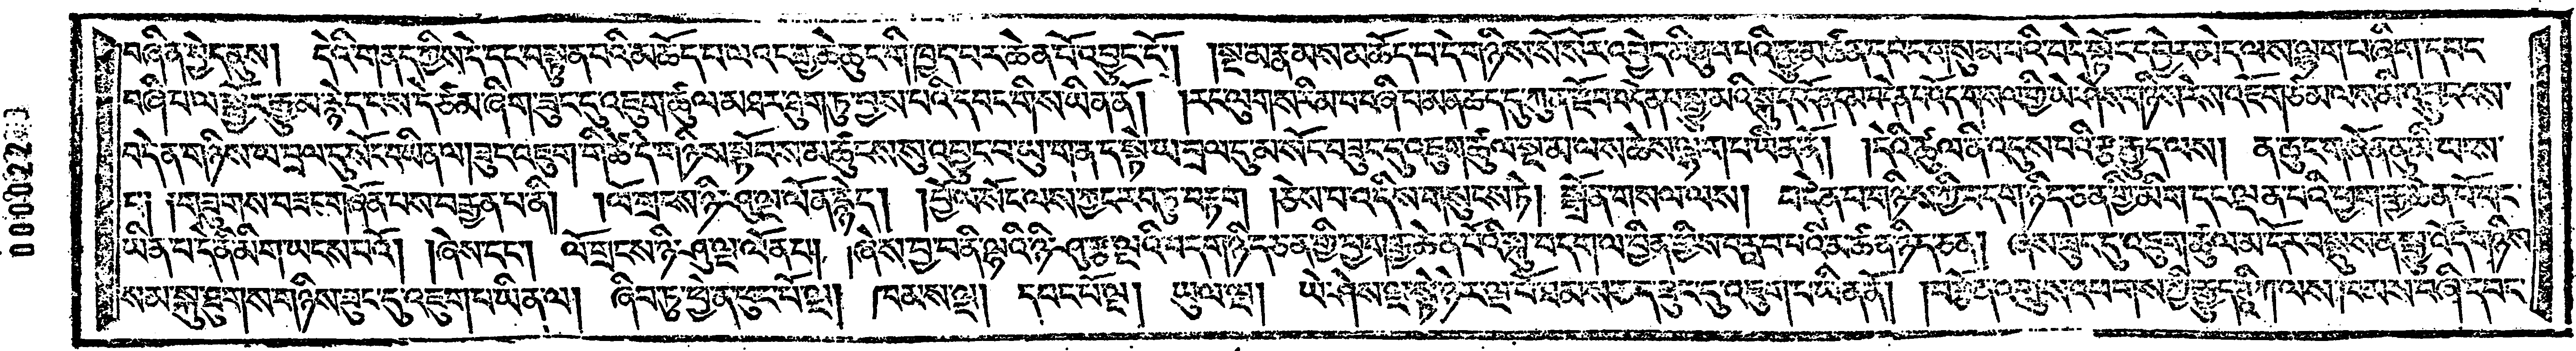བཞིན་བྱེད་ནུས། དེའི་གནད་ཀྱིས་དེ་དང་བསྟུན་པའི་མཆོད་པ་ལའང་རྒྱ་ཆེ་ཆུང་གི་ཁྱད་པར་ཆེན་པོ་འབྱུང་ངོ། །སྔ་མ་རྣམས་མཆོད་པ་དེ་གཉིས་སོ་སོར་འབྱེད་མི་ཐུབ་བའི་རྒྱུ་མཚན་དབང་གསུམ་པའི་བདེ་སྟོང་དབྱེར་མེད་ལས་ལྷག་པ་བཞིག་དབང་
བཞི་པ་ལ་སྦྱོར་རྒྱུ་མ་རྙེད་པས་དེ་ཙམ་ཞིག་ཟུང་དུ་འཇུག་ཚུལ་མཐར་ཐུག་ཏུ་བྱས་པའི་དབང་གིས་ཡིན་ནོ། །རང་ལུགས་རིམ་བ་བཞི་པ་མན་ཆད་དུ་ཀུན་རྫོབ་བདེན་པ་སྒྱུ་མའི་སྐུ་དང་དོན་དམ་བདེན་པ་འོད་གསལ་གྱི་ཡེ་ཤེས་གཉིས་རེས་འཇོག་ཙམ་ལས་མི་འབྱུང་བས་
བདེན་གཉིས་ཡ་བྲལ་དུ་སོང་བ་ཡིན་ལ། ཟུང་འཇུག་གི་ཚེ་དེ་གཉིས་སྟོབས་མཚུངས་སུ་འབྱུང་བ་ཡུ་ག་ནད་སྟེ་ཡ་བྲལ་དུ་མ་སོང་བཟུང་དུ་འཇུག་ཚུལ་སྔ་མ་ལས་ཆེས་ལྷག་པ་ཡིན་ནོ། །དེའི་ཚུལ་ནི་འདུས་པའི་རྩ་རྒྱུད་ལས། ན་ཆུང་གཞོན་ནུ་མི་ཡངས་
པ༑ ༑གཟུགས་བཟང་གཞོན་པས་བརྒྱན་པ་ནི། །ལོ་གྲང་ཉི་ཤུ་ལྔ་ལོན་རྙེད། །བྱོ་ལ་སོང་ལས་ཀྱང་རབ་ཏུ་བརྟག །ཅེས་པ་འདིས་གསུངས་ཏེ། སྒྲོན་གསལ་ལས། བདེན་པ་གཉིས་ཀྱི་བདག་ཉིད་ཅན་གྱི་མིག་དང་ལྡན་པའི་ཕྱག་རྒྱ་ཆེན་པོ་ལང་
ཡིན་པ་དེ་ནི་མིག་ཡངས་པའོ། །ཞེས་དང་། ལོ་གྲངས་ཉི་ཤུ་ལྔ་ལོན་པ། །ཞེས་བྱ་བ་ནི་ལྷའི་ཉི་ཤུ་རྩ་ལྔའི་བདག་ཉིད་ཅན་གྱི་ཕྱག་རྒྱ་ཆེན་པོའི་སྐུ་བདག་ལ་བྱིན་གྱིས་བརླབ་པའི་མཚན་ཉིད་ཅན། ཞེས་ཟུང་དུ་འཇུག་ཚུལ་མདོར་བསྡུས་ན་སྒྱུ་འོད་གཉིས་
སམ་སྐུ་ཐུགས་གཉིས་ཟུང་དུ་འཇུག་པ་ཡིན་ལ། ཞིབ་ཏུ་ཕྱེན་ཕུང་པོ་ལྔ། ཁམས་ལྔ། དབང་པོ་ལྔ། ཡུལ་ལྔ། ཡེ་ཤེས་ལྔ་སྟེ་ཉེར་ལྔ་བོ་ཐམས་ཅད་ཟུང་དུ་འཇུག་པ་ཡིན་ནོ། །བརྩོན་འགྲུས་འཕགས་ཀྱི་རྒྱུད་ཊཱིག་ལས་ཁམས་བཞི་དབང་